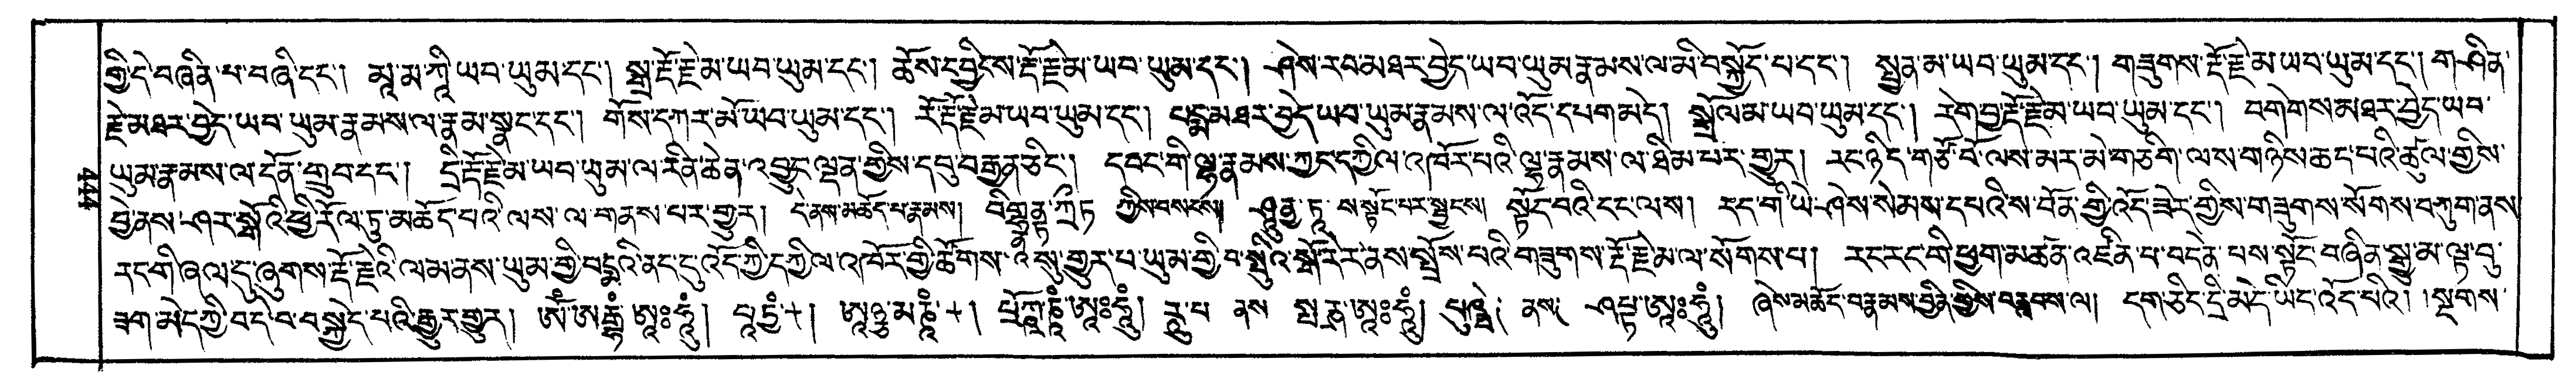གྱི་དེ་བཞིན་པ་བཞི་དང་། མཱ་མ་ཀཱི་ཡབ་ཡུམ་དང་། སྒྲ་རྡོ་རྗེ་མ་ཡབ་ཡུམ་དང་། ཆོས་དབྱིངས་རྡོ་རྗེ་མ་ཡབ་ཡུམ་དང་། ཤེས་རབ་མཐར་བྱེད་ཡབ་ཡུམ་རྣམས་ལ་མི་བསྐྱོད་པ་དང་། སྤྱན་མ་ཡབ་ཡུམ་དང་། གཟུགས་རྡོ་རྗེ་མ་ཡབ་ཡུམ་དང་། གཤིན་
རྗེ་མཐར་བྱེད་ཡབ་ཡུམ་རྣམས་ལ་རྣམ་སྣང་དང་། གོས་དཀར་མོ་ཡབ་ཡུམ་དང་། རོ་རྡོ་རྗེ་མ་ཡབ་ཡུམ་དང་། པདམ་མཐར་བྱེད་ཡབ་ཡུམ་རྣམས་ལ་འོད་དཔག་མེད། སྒྲོལ་མ་ཡབ་ཡུམ་དང་། རིག་བྱ་རྡོ་རྗེ་མ་ཡབ་ཡུམ་དང་། བགེགས་མཐར་བྱེད་ཡབ་
ཡུམ་རྣམས་ལ་དོན་གྲུབ་དང་། དྲི་རྡོ་རྗེ་མ་ཡབ་ཡུམ་ལ་རིན་ཆེན་འབྱུང་ལྡན་གྱིས་དབུ་བརྒྱན་ཅིང་། དབང་གི་ལྷ་རྣམས་ཀྱང་དཀྱིལ་འཁོར་པའི་ལྷ་རྣམས་ལ་ཐིམ་པར་གྱུར། རང་ཉིད་གཙོ་བོ་ལས་མར་མེ་གཅིག་ལས་གཉིས་ཆད་པའི་ཚུལ་གྱིས་
བྱེ་ནས་ཤར་སྒོའི་ཕྱི་རོལ་ཏུ་མཆོད་པའི་ལས་ལ་གནས་པར་གྱུར། དེ་ནས་མཆོད་པ་རྣམས། བིགྷྣནྟ་ཀྲྀཏ་ཀྱིས་བསངས། ཤཱུ་ནྱ་ཏཱ་ས་སྟོང་བར་སྦྱངས། སྟོང་པའི་ངང་ལས། རང་གི་ཡེ་ཤེས་སེམས་དཔའི་ས་བོན་གྱི་འོད་ཟེར་གྱིས་གཟུགས་སོགས་བཀུག་ནས་
རང་གི་ཞལ་དུ་ཞུགས་རྡོ་རྗེའི་ལམ་ནས་ཡུམ་གྱི་པདམའི་ནང་དུ་འོད་ཀྱི་དཀྱིལ་འཁོར་གྱི་ཚོགས་སུ་གྱུར་པ་ཡུམ་གྱི་བ་སྤུའི་སྒོ་རེ་རེ་ནས་སྤྲོས་པའི་གཟུགས་རྡོ་རྗེ་མ་ལ་སོགས་པ། རང་རང་གི་ཕྱག་མཚན་འཛིན་པ་བདེན་པས་སྟོང་བཞིན་སྒྱུ་མ་ལྟ་བུ་
ཟག་མེད་ཀྱི་བདེ་བ་བསྐྱེད་པའི་རྒྱུར་གྱུར། ཨོཾ་ཨརྒྷཾ་ཨཱཿ ཧཱུཾ། པཱ་དྱཾ་+། ཨཱཉྩ་མ་ཎཱཾ་+། པྲོཀྵ་ཎཱཾ་ཨཱཿ ཧཱུཾ། རཱུ་པ༑ ནས༑ སྤརྴ་ཨཱཿ ཧཱུཾ། པུཥྤེ༑ ནས༑ ཤཔྟ་ཨཱཿ ཧཱུཾ། ཞེས་མཆོད་པ་རྣམས་བྱིན་གྱིས་བརླབས་ལ། དག་ཅིང་དྲི་མེད་ཡིད་འོང་བའི། །སྔགས་